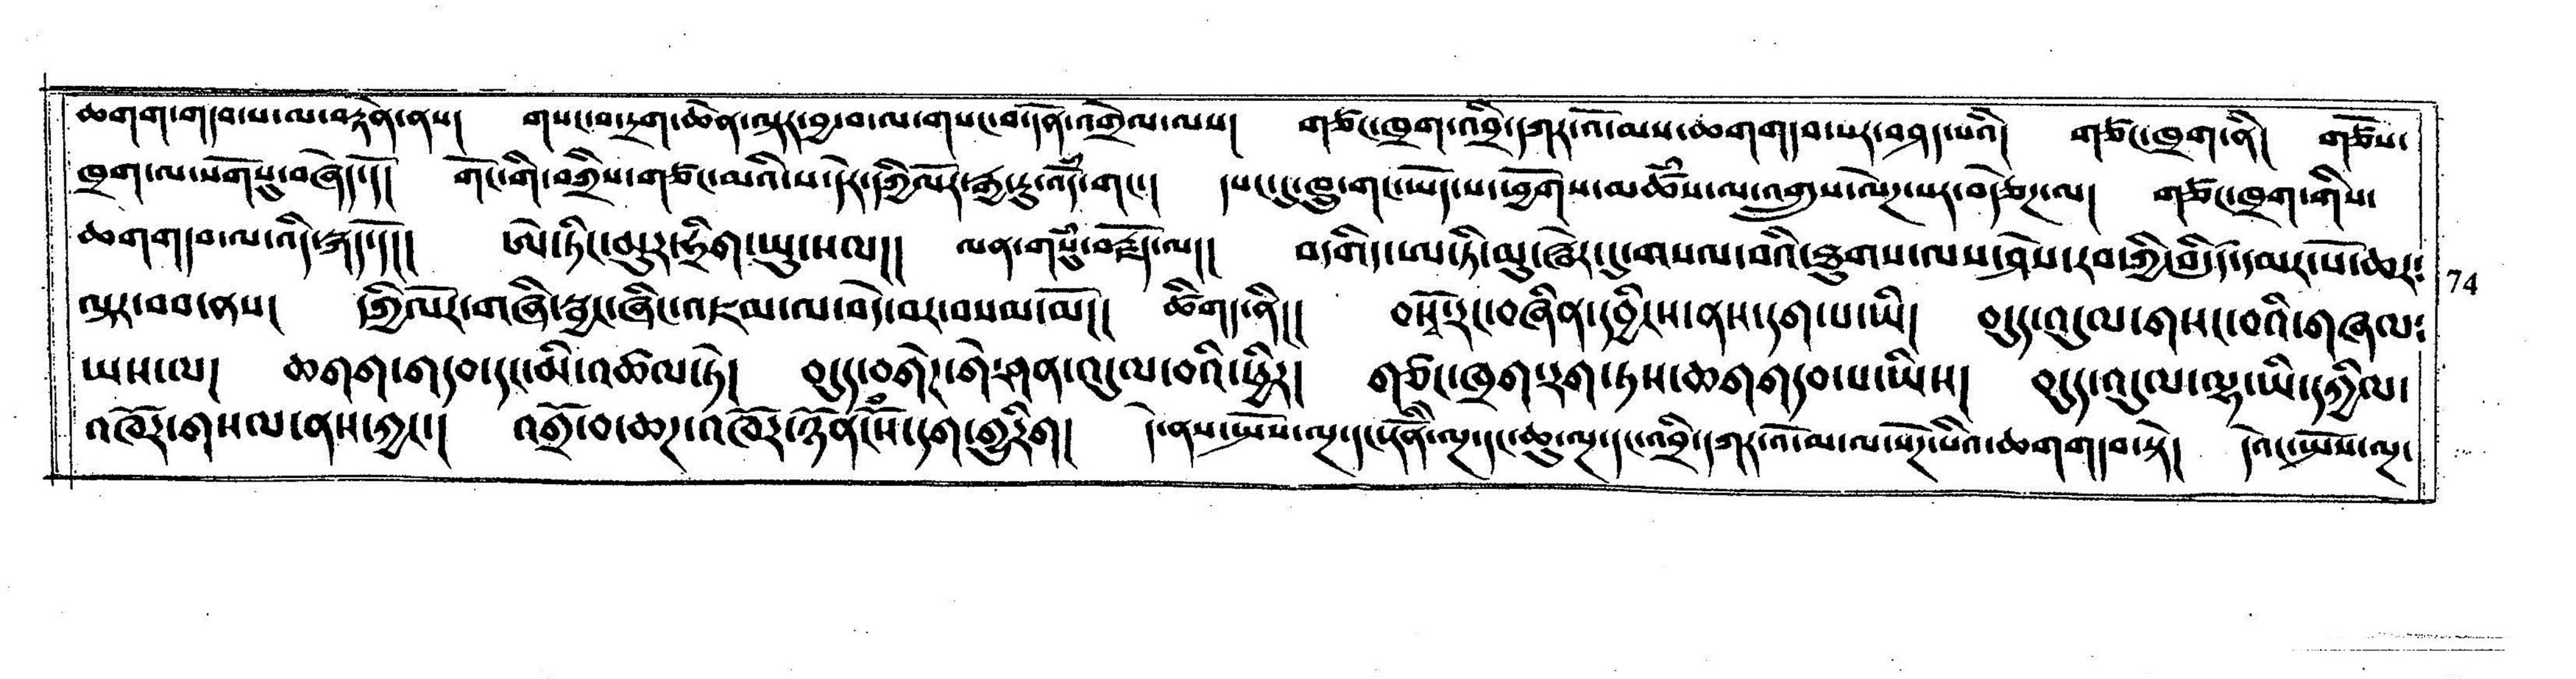ཆག་ཆག་གདབ་པ་ལ་བརྟེན་ནས། གསང་བ་དྲག་ཆེན་ལྟར་བྱ་བ་ལ་གསང་བ་དོན་འགྲེལ་ལས། གཙང་ཁྲག་འབྲི་དཀར་འོ་མས་ཆག་ཆག་གདབ་པར་བཤད་པའི། གཙང་ཁྲག་ནི། གཙོས་
ཁྲག་ལ་སོགས་སུ་བཞེད་དོ། གོང་གི་བཀྲ་ཤིས་གཙང་མའི་ས་དེར་དཀྱིལ་འཁོར་རྒྱ་རུ་འདོམ་གང་། དཔང་དུ་ཁྲུ་གང་ཡོད་པ་ཕྱོགས་མཚམས་ལ་འགྲུས་ལེགས་པར་བརྩེགས་ལ། གཙང་ཁྲག་གིས་
ཆག་ཆག་གདབ་ལ་འདི་སྐད་དོ། ཨེ་ཏིང་མུར་ཧྲིག་ཡུ་སལ།། ལན་གསུམ་བརྗོད་ལ། བདག་ཉིད་ཨ་ཏི་མུ་ཝེར་དུ་གསལ་བའི་ཐུགས་ལས་ཤེས་རབ་ཀྱི་བདུད་རྩི་དམར་པོ་ཆར་
ལྟར་བབ་ནས། དཀྱིལ་འཁོར་གཞི་སྦྱང་ཞིང་འཇམ་ལ་བདེ་བར་བསམ་མོ།། ཚིག་བཤད་ནི།། བསྭོ་རང་བཞིན་དབྱིངས་ནས་དག་པ་ཡི། བདུད་འདུལ་གསང་བའི་གཞལ་
ཡས་ལ། ཆག་ཆག་གདབ་དང་མི་འཚལ་ཏེ། བདུད་བགེགས་གེ་ཤན་འདུལ་བའི་ཕྱིར། གཙང་ཁྲག་རག་ཏས་ཆག་ཆག་གདབ་པ་ཡིས། བདུད་འདུལ་ལྷ་ཡི་དཀྱིལ་
འཁོར་གསལ་ནས་ཀྱང་། འགྲོ་བ་ཆགས་འཁོར་ཉོན་མོངས་དག་གྱུར་ཅིག དེ་ནས་སྤོས་ལྔ་དང་རིན་པོ་ཆེ་ལྔ་དང་ཆུ་ལྔ་དང་འབྲི་དཀར་འོ་མ་ལ་སོགས་པའི་ཆག་ཆག་གདབ་སྟེ། དེའང་སྤོས་ལྔ་